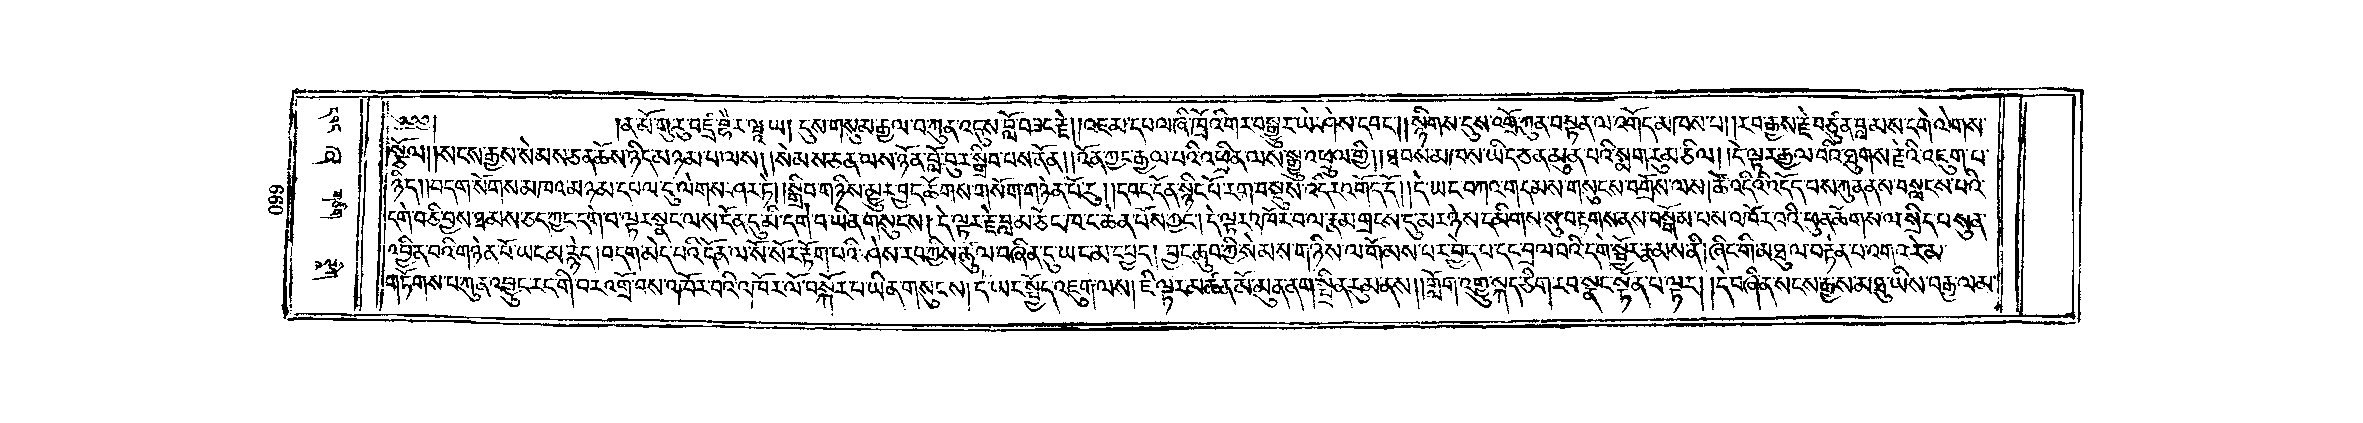ན་མོ་གུ་རུ་བྫྲ་བྷཻ་ར་ཝཱ་ཡ། དུས་གསུམ་རྒྱལ་བ་ཀུན་འདུས་བློ་བཟང་རྗེ། །འཇམ་དཔལ་ཞི་ཁྲོའི་གར་བསྒྱུར་ཡེ་ཤེས་དབང་། །སྙིགས་དུས་འགྲོ་ཀུན་བསྟན་ལ་འགོད་མཁས་པ། །རབ་རྒྱས་རྗེ་བཙུན་བླ་མས་དགེ་ལེགས་
སྩོལ། །སངས་རྒྱས་སེམས་ཅན་ཆོས་ཉིད་མཉམ་པ་ལས། །སེམས་ཅན་ལས་ཉོན་བློ་བུར་སྒྲིབ་པས་ནོན། །འོན་ཀྱང་རྒྱལ་བའི་འཕྲིན་ལས་སྒྱུ་འཕྲུལ་གྱི། །ཐབས་མཁས་ཡིད་ཅན་མུན་པའི་སྨག་རུམ་ཅིལ། །དེ་ལྟར་རྒྱལ་བའི་ཐུགས་རྗེའི་འཇུག་པ་
ཉིད། །བདག་སོགས་མཁའ་མཉམ་དཔལ་དུ་ལེགས་ཤར་ཏེ། །སྒྲིབ་གཉིས་མྱུར་བྱད་ཚོགས་གསོག་གཉེན་པོ་རུ། །དབང་དོན་སྙིང་པོ་རག་བསྡུས་འདིར་འགོད་དོ། །དེ་ཡང་བཀའ་གདམས་གསུངས་བགྲོས་ལས། ཚེ་འདིའི་འདོད་པས་ཀུན་ནས་བསླངས་པའི་
དགེ་བ་ཅི་བྱས་ཐམས་ཅད་ཀྱང་དགེ་བ་ལྟར་སྣང་ལས་དོན་དུ་མི་དགེ་བ་ཡིན་གསུངས། དེ་ལྟར་རྗེ་བླ་མ་ཙོང་ཁ་པ་ཆེན་པོས་ཀྱང་། དེ་ལྟར་འཁོར་བ་ལ་རྣམ་གྲངས་དུ་མར་ཉེས་དམིགས་སུ་བརྟགས་ནས་བསྒོམ་པས་འཁོར་བའི་ཕུན་ཚོགས་ལ་སྲིད་པ་སུན་
འབྱིན་པའི་གཉེན་པོ་ཡང་མ་རྙེད། བདག་མེད་པའི་དོན་ལ་སོ་སོར་རྟོག་པའི་ཤེས་རབ་ཀྱིས་ཚུལ་བཞིན་དུ་ཡང་མ་དཔྱད། བྱང་ཆུབ་ཀྱི་སེམས་གཉིས་ལ་གོམས་པར་བྱེད་པ་དང་བྲལ་བའི་དགེ་སྦྱོར་རྣམས་ནི། ཞིང་གི་མཐུ་ལ་བརྟེན་པ་འགའ་རེ་མ་
གཏོགས་པ་ཀུན་འབྱུང་རང་གི་བར་འགྲོ་བས་འཁོར་བའི་འཁོར་ལོ་བསྐོར་པ་ཡིན་གསུངས། དེ་ཡང་སྤྱོད་འཇུག་ལས། ཇི་ལྟར་མཚན་མོ་མུན་ནག་སྤྲིན་རུམ་ནས། །གློག་འགྱུ་སྐད་ཅིག་རབ་སྣང་སྟོན་པ་ལྟར། །དེ་བཞིན་སངས་རྒྱས་མཐུ་ཡིས་བརྒྱ་ལམ་